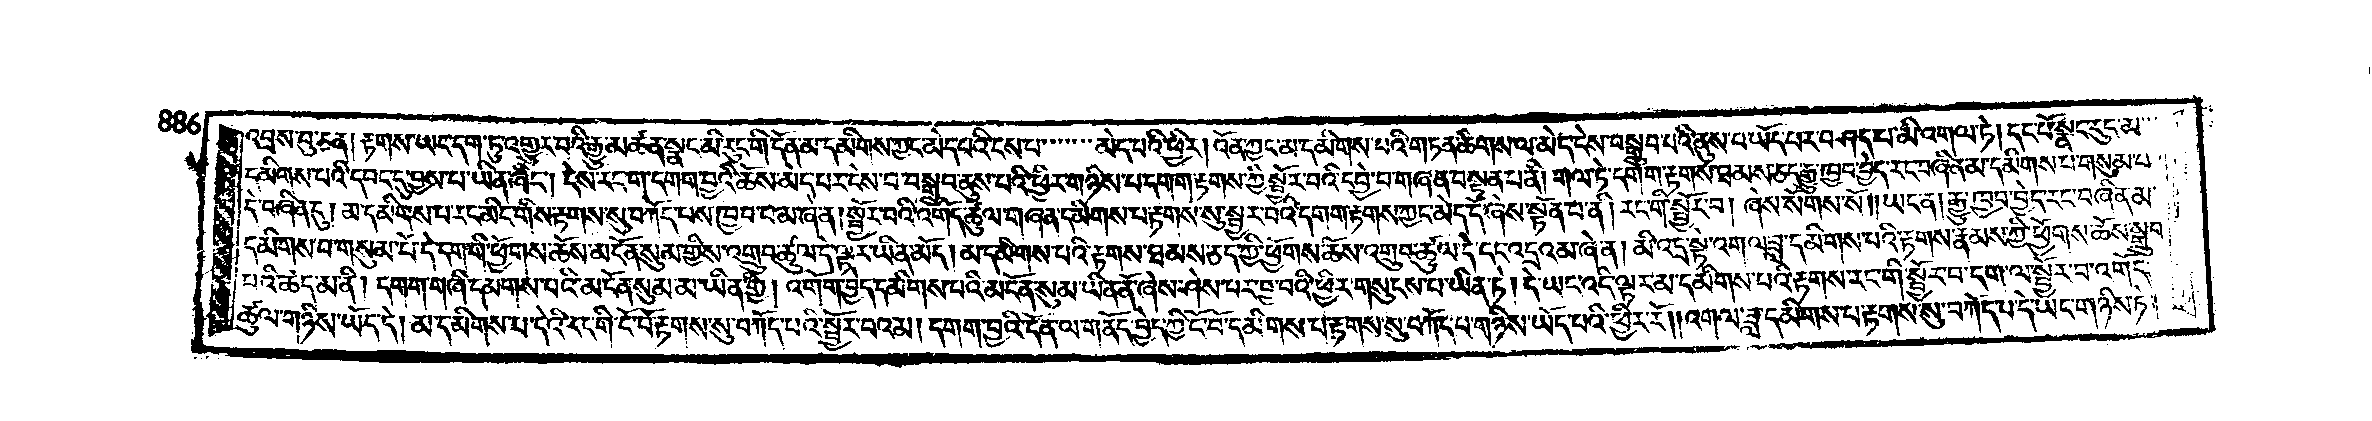འབྲས་བུ་ཅན། རྟགས་ཡང་དག་ཏུ་འགྱུར་བའི་རྒྱུ་མཚན་སྣང་མི་རུང་གི་དོན་མ་དམིགས་ཀྱང་མེད་པའི་ངེས་པ་མེད་པའི་ཕྱིར། འོན་ཀྱང་མ་དམིགས་པའི་གཏན་ཚིགས་ལ་མེད་ངེས་བསྒྲུབ་པའི་ནུས་པ་ཡོད་པར་བཤད་པ་མི་འགལ་ཏེ། དང་པོ་སྣང་རུང་མ་
དམིགས་པའི་དབང་དུ་བྱས་པ་ཡིན་ཞིང་། དེས་རང་གི་དགག་བྱའི་ཆོས་མེད་པར་ངེས་པ་བསྒྲུབ་ནུས་པའི་ཕྱིར་གཉིས་པ་དགག་རྟགས་ཀྱི་སྦྱོར་བའི་དབྱེ་བ་གཞན་བསྟན་པ་ནི། གལ་ཏེ་དགག་རྟགས་ཐམས་ཅད་རྒྱུ་ཁྱབ་བྱེད་རང་བཞིན་མ་དམིགས་པ་གསུམ་པོ་
དེ་བཞིན་དུ། མ་དམིགས་པ་རང་མིང་གིས་རྟགས་སུ་བཀོད་པས་ཁྱབ་བམ་ཞེ་ན། སྦྱོར་བའི་འགོད་ཚུལ་གཞན་དམིགས་པ་རྟགས་སུ་སྦྱར་བའི་དགག་རྟགས་ཀྱང་མེད་དོ་ཞེས་སྟོན་པ་ནི། རང་གི་སྦྱོར་བ། ཞེས་སོགས་སོ། །ཡང་ན། རྒྱུ་ཁྱབ་བྱེད་རང་བཞིན་མ་
དམིགས་པ་གསུམ་པོ་དེ་དག་གི་ཕྱོགས་ཆོས་མངོན་སུམ་གྱིས་འགྲུབ་ཚུལ་དེ་ལྟར་ཡིན་མོད། མ་དམིགས་པའི་རྟགས་ཐམས་ཅད་ཀྱི་ཕྱོགས་ཆོས་འགྲུབ་ཚུལ་དེ་དང་འདྲའམ་ཞེ་ན། མི་འདྲ་སྟེ་འགལ་ཟླ་དམིགས་པའི་རྟགས་རྣམས་ཀྱི་ཕྱོགས་ཆོས་སྒྲུབ་
པའི་ཚད་མ་ནི། དགག་གཞི་དམིགས་པའི་མངོན་སུམ་མ་ཡིན་གྱི། འགོག་བྱེད་དམིགས་པའི་མངོན་སུམ་ཡིན་ནོ་ཞེས་ཤེས་པར་བྱ་བའི་ཕྱིར་གསུངས་པ་ཡིན་ཏེ། དེ་ཡང་འདི་ལྟར་མ་དམིགས་པའི་རྟགས་རང་གི་སྦྱོར་བ་དག་ལ་སྦྱོར་བ་འགོད་
ཚུལ་གཉིས་ཡོད་དེ། མ་དམིགས་པའི་དེའི་རང་གི་ངོ་བོ་རྟགས་སུ་བཀོད་པའི་སྦྱོར་བའམ། དགག་བྱའི་དོན་ལ་གནོད་བྱེད་ཀྱི་ངོ་བོ་དམིགས་པ་རྟགས་སུ་བཀོད་པ་གཉིས་ཡོད་པའི་ཕྱིར་རོ། །འགལ་ཟླ་དམིགས་པ་རྟགས་སུ་བཀོད་པ་དེ་ཡང་གཉིས་ཏེ།